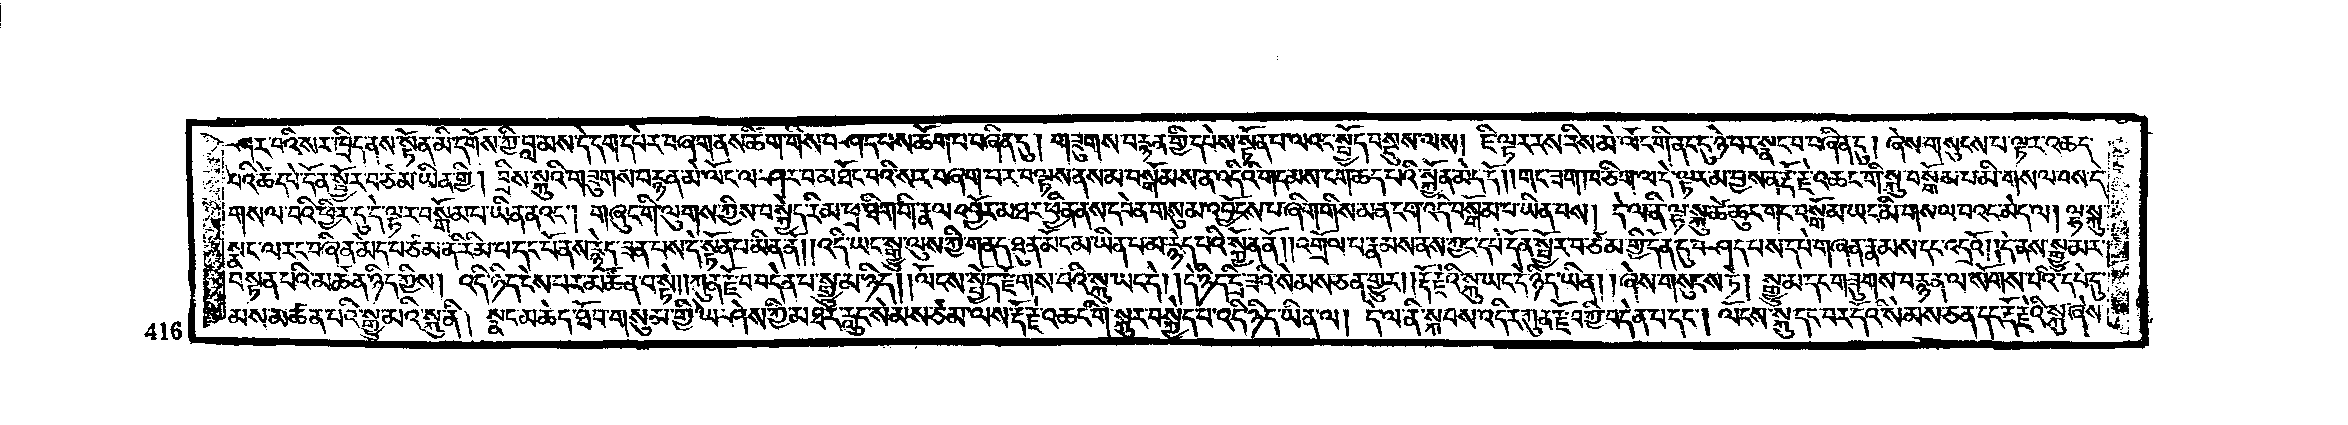ཤར་བའི་སར་ཁྲིད་ནས་སྟོན་མི་དགོས་ཀྱི་བླ་མས་དེ་དག་དཔེར་བཞག་ནས་ཚིག་གིས་བཤད་པས་ཆོག་པ་བཞིན་དུ། གཟུགས་བརྙན་གྱི་དཔེས་སྟོན་པ་ལའང་སྤྱོད་བསྡུས་ལས། ཇི་ལྟར་རས་རིས་མེ་ལོང་གི་ནང་དུ་ཉེ་བར་སྣང་བ་བཞིན་དུ། ཞེས་གསུངས་པ་ལྟར་འཆད་
པའི་ཚེ་དཔེ་དོན་སྦྱོར་བ་ཙམ་ཡིན་གྱི། བྲིས་སྐུའི་གཟུགས་བརྙན་མེ་ལོང་ལ་ཤར་བ་མཐོང་བའི་སར་བཞག་པར་བལྟས་ནས་མ་བསྒོམས་ན་འདིའི་གདམས་ངག་ཆད་པའི་སྐྱོན་མེད་དོ། །གང་ཟག་ཁ་ཅིག་ལ་དེ་ལྟར་མ་བྱས་ན་རྡོ་རྗེ་འཆང་གི་སྐུ་བསྒོམ་པ་མི་གསལ་བས་དེ་
གསལ་བའི་ཕྱིར་དུ་དེ་ལྟར་བསྒོམ་པ་ཡིན་ནའང་། གཞུང་གི་ལུགས་ཀྱིས་བསྐྱེད་རིམ་ཕྲ་ཐིག་གི་རྣལ་འབྱོར་མཐར་ཕྱིན་ནས་དབེན་གསུམ་འབྱེངས་པ་ཞིག་གིས་མན་ངག་འདི་བསྒོམ་པ་ཡིན་པས། དེ་ལ་ནི་ལྷ་སྐུ་ཆེ་ཆུང་གང་བསྒོམ་ཡང་མི་གསལ་བའང་མེད་ལ། ལྷ་སྐུ་
སྣང་ལ་རང་བཞིན་མེད་པ་ཙམ་ནི་རིམ་པ་དང་པོ་ནས་རྙེད་ཟིན་པས་དེ་སྟོན་པ་མིན་ནོ། །འདི་ཡང་སྒྱུ་ལུས་ཀྱི་གནད་ཐུན་མོང་མ་ཡིན་པ་མ་རྙིད་པའི་སྐྱོན་ནོ། །འགྲེལ་པ་རྣམས་ནས་ཀྱང་དཔེ་དོན་སྦྱོར་བ་ཙམ་གྱི་དོན་དུ་བཤད་པས་དཔེ་གཞན་རྣམས་དང་འདྲའོ། །དེ་ནས་སྒྱུ་མར་
བསྟན་པའི་མཚན་ཉིད་ཀྱིས། འདི་ཉིད་ངེས་པར་མཚོན་པ་སྟེ། །ཀུན་རྫོབ་བདེན་པ་སྒྱུ་མ་ཉིད། །ལོངས་སྤྱོད་རྫོགས་པའི་སྐུ་ཡང་དེ། །དེ་ཉིད་དྲི་ཟའི་སེམས་ཅན་གྱུར། །རྡོ་རྗེའི་སྐུ་ཡང་དེ་ཉིད་ཡིན། །ཞེས་གསུངས་ཏེ། སྒྱུ་མ་དང་གཟུགས་བརྙན་ལ་སོགས་པའི་དཔེ་དུ་
མས་མཚོན་པའི་སྒྱུ་མའི་སྐུ་ནི། སྣང་མཆེད་ཐོབ་གསུམ་གྱི་ཡེ་ཤེས་ཀྱི་མཐར་རླུང་སེམས་ཙམ་ལས་རྡོ་རྗེ་འཆང་གི་སྐུར་བསྐྱེད་པ་འདི་ཉིད་ཡིན་ལ། དེ་ལ་ནི་སྐབས་འདིར་ཀུན་རྫོབ་ཀྱི་བདེན་པ་དང་། ལོངས་སྐུ་དང་བར་དོའི་སེམས་ཅན་དང་རྡོ་རྗེའི་སྐུ་ཞེས་